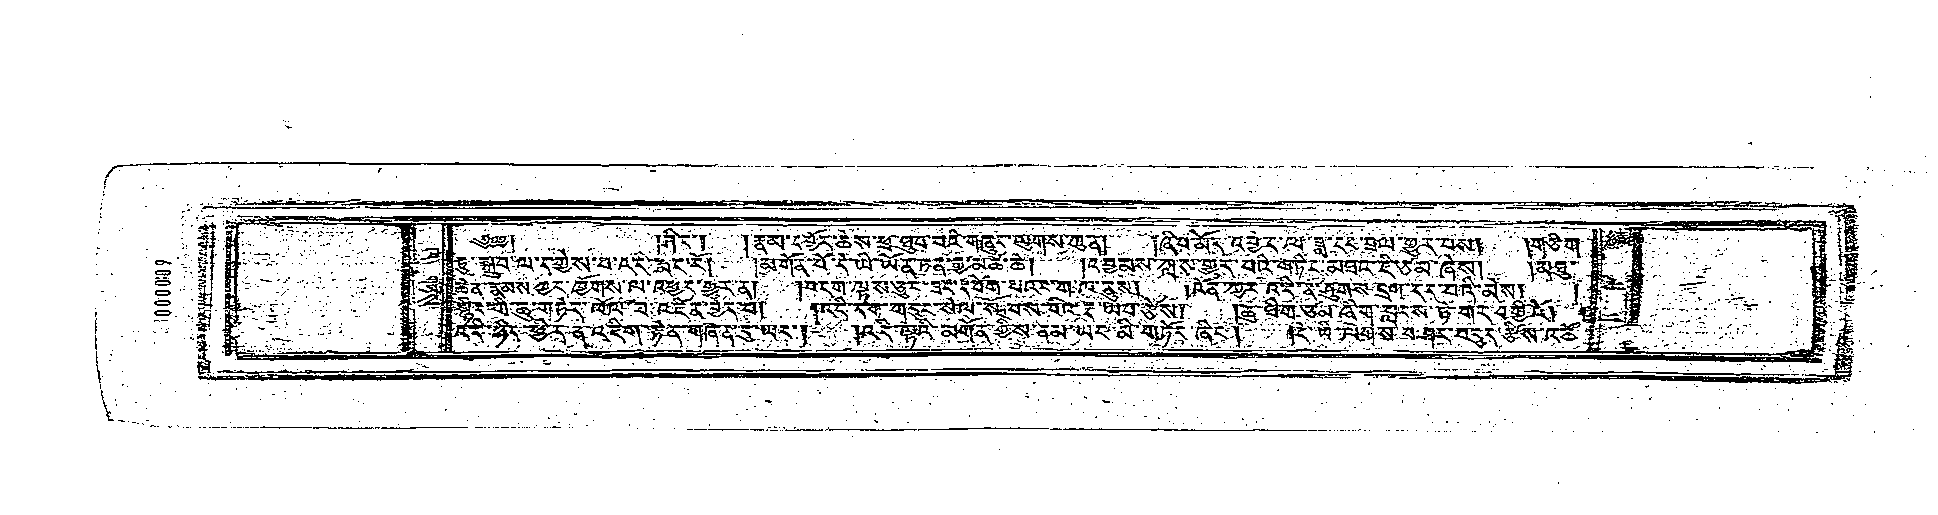༄༅༅། །ཤིང་། །རྣམ་དཔྱོད་ཆེས་ཕྲ་ཐུབ་བའི་གཞུང་ལུགས་ཀུན། །ཞིབ་མོད་འབྱེད་ལ་ཟླ་དང་བྲལ་གྱུར་པས། །གཅིག་
ཏུ་སྒྲུབ་ལ་དགྱེས་པ་འདི་རྨད་དོ། །མགོན་པོ་དེ་ཡི་ཡོན་ཏན་རྒྱ་མཚོ་ཆེ། །འབྱམས་ཀླས་གྱུར་བའི་གཏིང་མཐའ་ཇི་ཙམ་ཞེས། །མཐུ་
ཆེན་རྣམས་ཀྱང་ཁྱོགས་ལ་འཕྱང་གྱུར་ན། །བདག་ལྟས་ཅུང་ཟད་དབོག་པའང་ག་ལ་ནུས། །འོན་ཀྱང་འདི་ན་ཤུགས་དྲག་དང་བའི་མེས། །
སྙིང་གི་ཆུ་གཏེར་ཁོལ་བ་འཛིན་བྱེད་པ། །འདི་དག་གདུང་སེལ་སྤོབས་བའི་རྔ་ཡབ་རྩོས། །ཆུ་ཐིག་ཙམ་ཞིག་བླངས་ཏེ་གར་བགྱིའོ། །
འདི་ཉིད་ཕྱིར་ན་འཇིག་རྟེན་གཞན་དུ་ཡང་། །འདི་ལྟའི་མགོན་གྱིས་ནམ་ཡང་མི་གཏོང་ཞིང་། །དེ་ཡི་ལེགས་བཤད་བདུད་རྩིས་འཚོ་